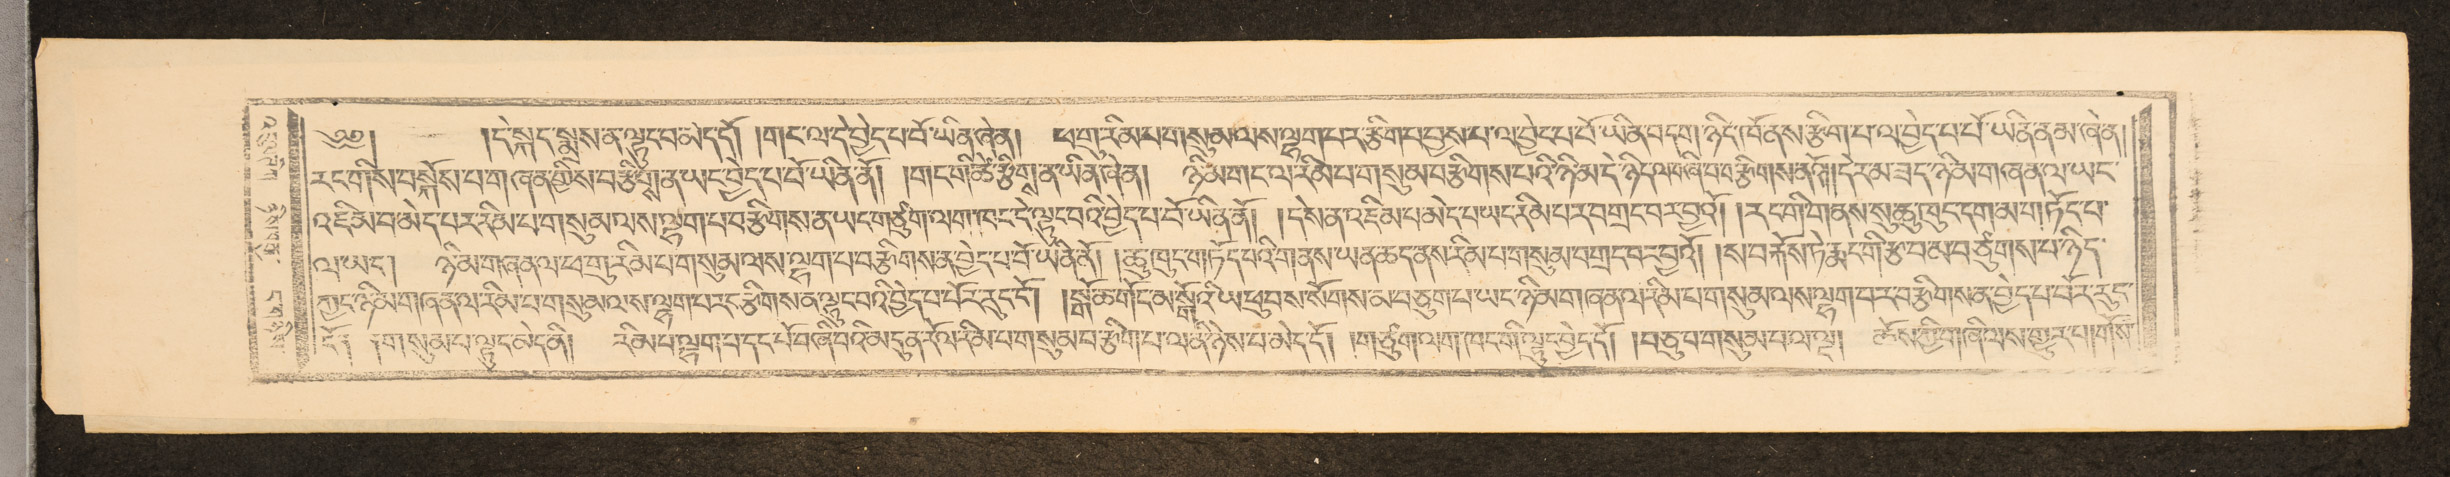༄༅། །དེ་སྐད་སྨྲས་ན་ལྟུང་བ་མེད་དོ། །གང་ལ་དེ་བྱེད་པ་ཕོ་ཡིན་ཞེ་ན། ཕ་གུ་རིམ་པ་གསུམ་ལས་ལྷག་པར་རྩིག་པ་བྱས་པ་ལ་བྱེད་པ་བོ་ཡིན་བདག་ཉིད་ཁོ་ནས་རྩིག་པ་ལ་བྱེད་པ་པོ་ཡིན་ནམ་ཞེ་ན།
རང་གིས་བསྐོས་པ་གཞན་གྱིས་བརྩིགས་ན་ཡང་བྱེད་པ་པོ་ཡིན་ནོ། །གང་གི་ཚེ་རྩིགས་ན་ཡིན་ཞེ་ན། ཉི་མ་གང་ལ་རིམ་པ་གསུམ་བརྩིགས་པའི་ཉི་མ་དེ་ཉིད་ལ་བཞི་བ་བརྩིགས་ནའོ། །དེར་མ་ཟད་ཉི་མ་གཞན་ལ་ཡང་
འཇིམ་པ་མེད་པར་རིམ་པ་གསུམ་ལས་ལྷག་པ་བརྩིགས་ན་ཡང་གཙུག་ལག་ཁང་དེ་ལྟུང་བའི་བྱེད་པ་བོ་ཡིན་ནོ། །དེས་ན་འཇིམ་པ་མེད་པ་ཡང་རིམ་པར་བགྲང་བར་བྱའོ། །རང་གི་གནས་སུ་ཆུ་ཁུང་དག་མ་གཏོང་པ་
ལ་ཡང་། ཉི་མ་གཞན་ལ་ཕ་གུ་རིམ་པ་གསུམ་ལས་ལྷག་པ་བརྩིགས་ན་བྱེད་པ་པོ་ཡིན་ནོ། །ཆུ་ཁུང་གཏོད་པའི་གནས་ཡན་ཆད་ནས་རིམ་པ་གསུམ་བགྲང་བར་བྱའོ། །ས་བརྐོས་ཏེ་རྨད་གི་རྩ་བ་མ་བཙུགས་པ་ཉིད་
ཀྱང་ཉི་མ་གཞན་ལ་རིམ་པ་གསུམ་ལས་ལྷག་པར་བརྩིགས་ན་ལྷུང་པའི་བྱེད་པ་པོར་རུང་ངོ། །སྒོ་ཆ་གོང་མ་སྒོའི་ཡ་ཕུབས་སོགས་མ་བཅུག་པ་ཡང་ཉི་མ་གཞན་ལ་རིམ་པ་གསུམ་ལས་ལྷག་པར་བརྩིགས་ན་བྱེད་པ་བོར་རུང་
ངོ༑ །གསུམ་པ་ལྟུང་མེད་ནི། རིམ་པ་ལྷག་པ་དང་པོ་བཞི་པའི་མདུན་རོལ་རིམ་པ་གསུམ་པ་རྩིག་པ་ལ་ནི་ཉེས་པ་མེད་དོ། །གཙུག་ལག་ཁང་གི་ལྟུང་བྱེད་དོ། །བཅུ་པ་གསུམ་པ་ལ་ལྔ། ཆོས་ཀྱི་གཞི་ལས་གྱུར་པ། གོས་